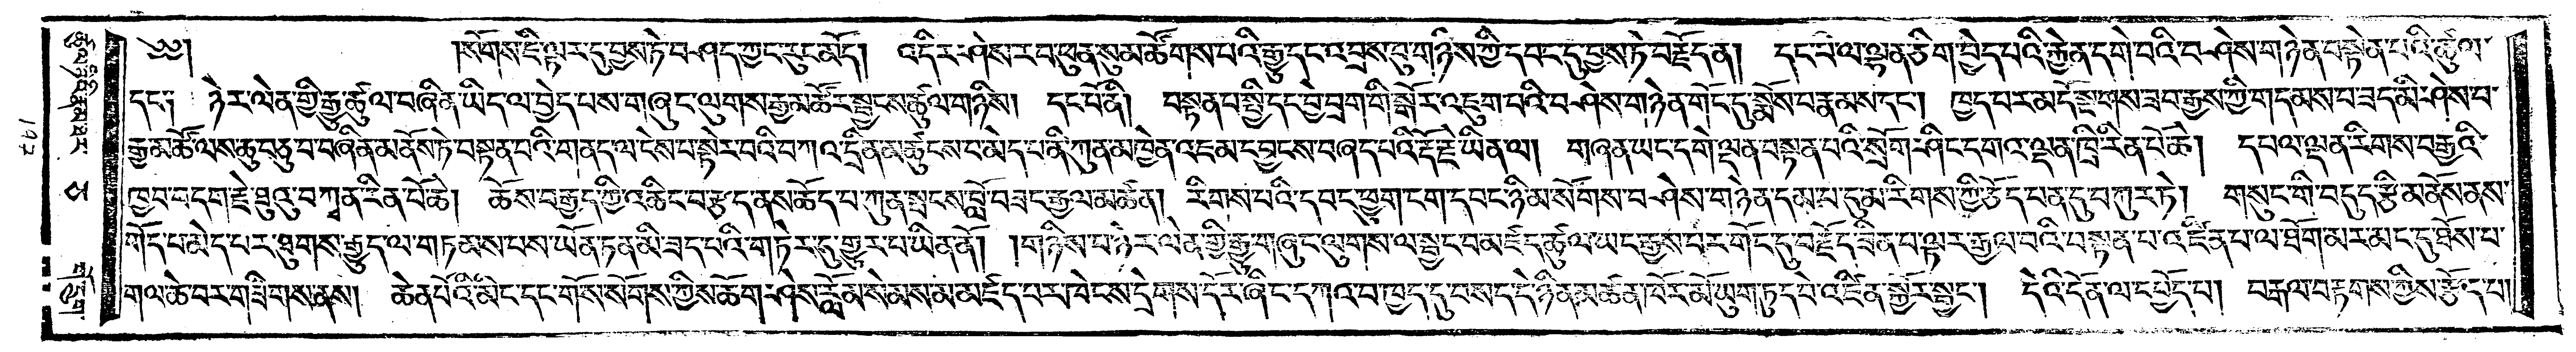༄༅། །སོགས་ཇི་ལྟར་དུ་བྱས་ཏེ་བཤད་ཀྱང་རུང་མོད། འདིར་ཤེས་རབ་ཕུན་སུམ་ཚོགས་པའི་རྒྱུ་དང་འབྲས་བུ་གཉིས་ཀྱི་དབང་དུ་བྱས་ཏེ་བརྗོད་ན། དང་པོ་ལ་ལྷན་ཅིག་བྱེད་པའི་རྐྱེན་དགེ་བའི་བཤེས་གཉེན་བསྟེན་པའི་ཚུལ་
དང༑ ཉེར་ལེན་གྱི་རྒྱུ་ཚུལ་བཞིན་ཡིད་ལ་བྱེད་པས་གཞུང་ལུགས་རྒྱ་མཚོར་སྦྱངས་ཚུངས་གཉིས། དང་པོ་ནི། བསྟན་པ་སྤྱི་དང་བྱེ་བྲག་གི་སྒོར་འཇུག་པའི་བཤེས་གཉེན་གོང་དུ་སྨོས་པ་རྣམས་དང་། ཁྱད་པར་མདོ་སྔགས་ཟབ་རྒྱས་ཀྱི་གདམས་པ་ཟད་མི་ཤེས་པ་
རྒྱ་མཚོ་ལས་ཆུ་བཅུ་བ་བཞིན་མནོས་ཏེ་བསྟན་པའི་གནད་ལ་ངེས་པ་སྟེར་བའི་བཀའ་དྲིན་མཚུངས་པ་མེད་པ་ནི་ཀུན་མཁྱེན་འཇམ་དབྱངས་བཞད་པའི་རྡོ་རྗེ་ཡིན་ལ། གཞན་ཡང་དགེ་ལྡན་བསྟན་པའི་སྲོག་ཤིང་དགའ་ལྡན་ཁྲི་རིན་པོ་ཆེ། དཔལ་ལྡན་རིགས་བརྒྱའི་
ཁྱབ་བདག་རྗེ་ཐུའུ་བཀྭན་རིན་པོ་ཆེ། ཆོས་བརྒྱད་ཀྱི་འཆིང་བརྩད་ནས་ཆོད་པ་ཀུན་སྤངས་བློ་བཟང་རྒྱལ་མཚན། རིགས་པའི་དབང་ཕྱུག་ངག་དབང་ཉི་མ་སོགས་བཤེས་གཉེན་དམ་པ་དུ་མ་རིགས་ཀྱི་ཅོད་པན་དུ་བཀུར་ཏེ། གསུང་གི་བདུད་རྩི་མནོས་ནས་
གོད་པ་མེད་པར་ཐུགས་རྒྱུད་ལ་གཏམས་པས་ཡོན་ཏན་མི་ཟད་པའི་གཏེར་དུ་གྱུར་པ་ཡིན་ནོ། །གཉིས་པ་ཉེར་ལེན་གྱི་རྒྱུ་གཞུང་ལུགས་ལ་སྦྱང་བ་མཛད་ཚུལ་ཡང་རྒྱས་པར་གོང་དུ་བརྗོད་ཟིན་བ་ལྟར་རྒྱལ་བའི་བསྟན་པ་འཛིན་པ་ལ་ཐོག་མར་མང་དུ་ཐོས་པ་
གལ་ཆེ་བར་གཟིགས་ནས། ཆེན་པོའི་མིང་དང་གོས་སོགས་ཀྱིས་ཆོག་ཤེས་རློམ་སེམས་མ་མཛད་པར་ཁེངས་དྲེགས་དོར་ཞིང་དཀའ་བ་ཁྱད་པར་དུ་བསད་དེ་ཉིན་མཚན་ཁོར་མོ་ཡུག་ཏུ་དཔེ་འཛིན་སྐྱོར་སྦྱང་། དེའི་དོན་ལ་དཔྱོད་པ། བརྒལ་བརྟགས་ཀྱིས་རྕོད་པ།